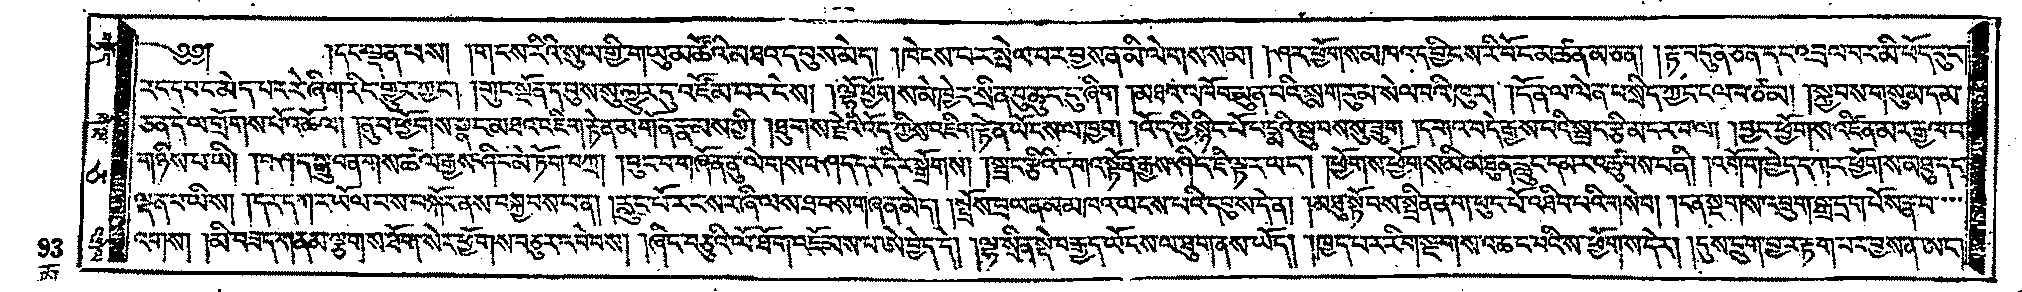༄༅། །དང་ལྡན་པས། །གངས་རིའི་སུལ་གྱི་གཡུ་མཚོའི་མཐའ་དབུས་མེད། །ཁེངས་པར་སྤེལ་བར་བྱས་ན་མི་ལེགས་སམ། །ཤར་ཕྱོགས་མཁའ་དབྱིངས་རི་བོང་མཚན་མ་ཅན། །རྟ་བདུན་ཅན་དང་འབྲལ་བར་མི་ཕོད་རུང་
རང་དབང་མེད་པར་རེ་ཞིག་རིང་གྱུར་ཀྱང་། །གུང་སྔོན་དབུས་སུ་མྱུར་དུ་འཛོམ་པར་ངེས། །ལྷོ་ཕྱོགས་མེ་ཁྱེར་སྲིན་བུ་ཆུང་ངུ་ཞིག །མཐའ་འཁོབ་མུན་པའི་སྨག་རུམ་སེལ་བའི་ཁུར། །དོན་ལ་ལེན་པ་སྲིད་ཀྱང་ངལ་བ་ཙམ། །སྐྱབས་གསུམ་དམ་
ཅན་དེ་ལ་གྲོགས་པོ་འཚོལ། །ནུབ་ཕྱོགས་སྣང་མཐའ་འཇིག་རྟེན་མགོན་རྣམས་ཀྱི། །ཐུགས་རྗེའི་འོད་ཀྱིས་འཇིག་རྟེན་ཡོངས་ལ་ཁྱབ། །འོད་ཀྱི་སྙིང་པོ་པདམའི་སྦུབས་སུ་ཟུག །དགའ་བདེ་རྒྱས་པའི་སྦྲང་རྩི་མངར་བ་ལ། །བྱང་ཕྱོགས་འཛིན་མར་རྒྱལ་བ་
གཉིས་པ་ཡི། །བཤད་སྒྲུབ་ནགས་ཚལ་རྒྱས་ཤིང་མེ་ཏོག་བཀྲ། །བུང་བ་གཞོན་ནུ་ལེགས་བཤད་དར་དིར་སྒྲོགས། །སྦྲང་རྩིའི་དགའ་སྟོན་རྒྱས་ཤིང་ཇི་ལྟར་ཡང་། །ཕྱོགས་ཕྱོགས་མི་མཐུན་རླུང་དམར་འཚུབས་པ་ནི། །འགོག་བྱེད་དཀར་ཕྱོགས་མཐུ་དང་
ལྡན་པ་ཡིས། །དར་དཀར་ཡོལ་བས་བསྐོར་ནས་བསྐྱབས་པ་ན། །རླུང་པོ་རང་སར་ཞི་ལས་ཐབས་གཞན་མེད། །སྤྲོས་བྲལ་ནམ་མཁའ་ཡངས་པའི་དབུས་དེ་ན། །མཐུ་སྟོབས་སྤྲིན་ནག་ཕུང་པོ་འཐིབ་པའི་གསེབ། །ངན་སྔགས་འབྲུག་སྒྲ་དྲག་པོས་རྣ་བ་
འགས། །མི་བཟད་གནམ་ལྕགས་ཐོག་སེར་ཕྱོགས་བཅུར་འབེབས། །ཞིང་བཅུའི་ལོ་ཐོག་འཇོམས་པ་ཨེ་བྱེད་དེ། །ལྷ་སྲིན་སྡེ་བརྒྱད་ཡོངས་ལ་ཐུག་ནས་ཡོད། །ཁྱད་པར་རིག་སྔགས་འཆང་པའི་ས་ཕྱོགས་དེར། །དུས་དྲུག་བྱ་ར་རྟག་པར་བྱས་ན་ཨང་།